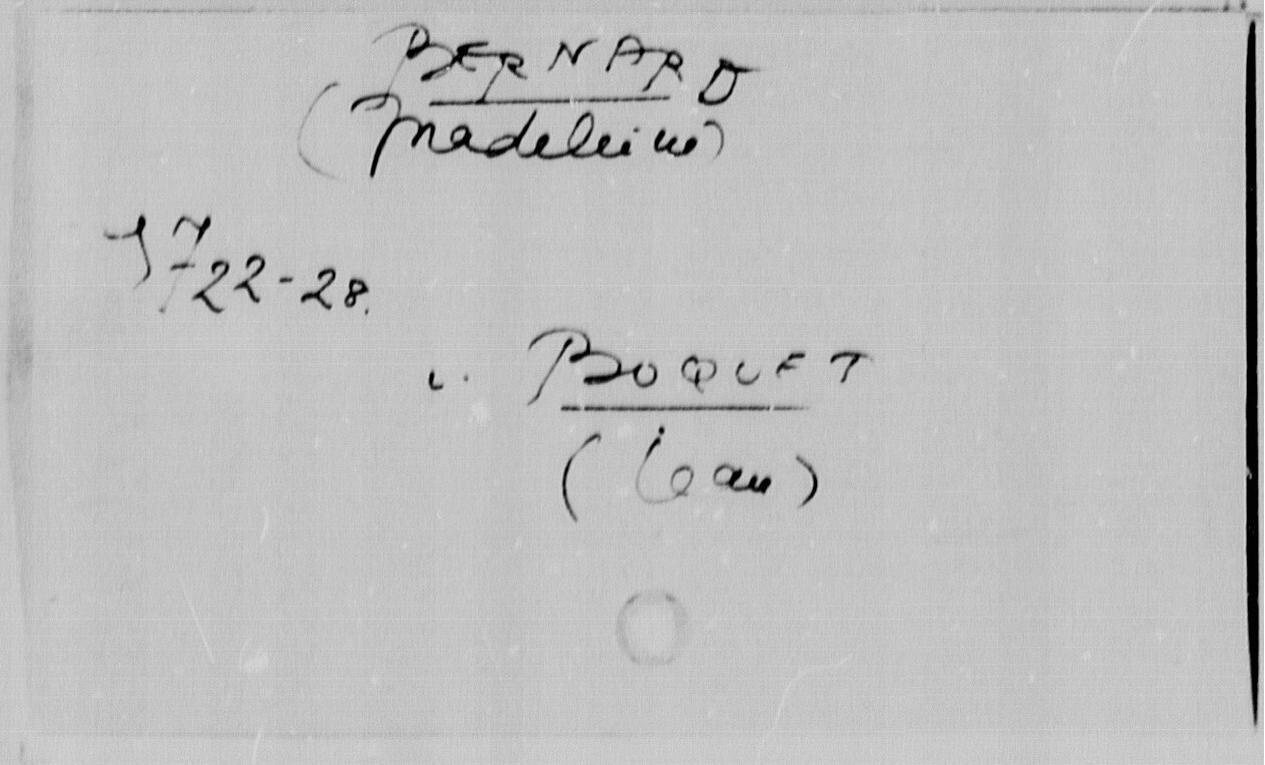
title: BERNARD (Madeleine)
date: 1722-1728
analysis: Voir BOQUET (Jean)
